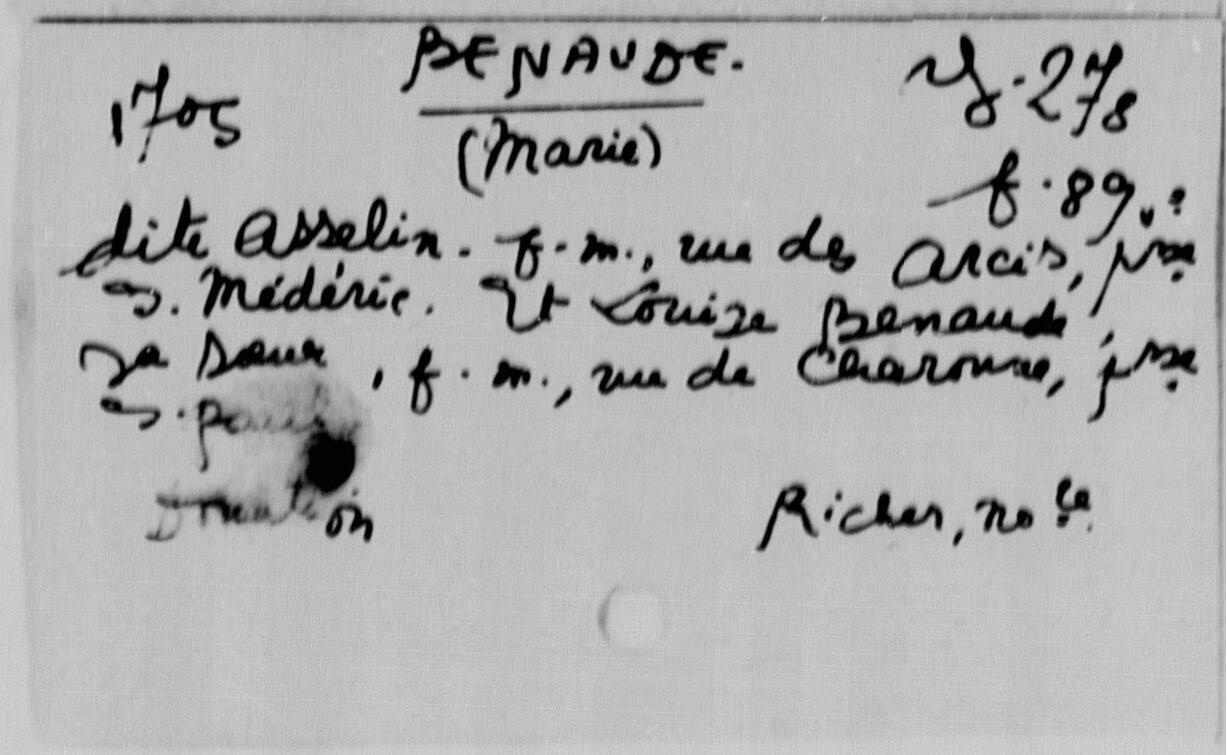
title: BENAUDE (Marie)
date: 1705
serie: Y
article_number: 278
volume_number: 89v
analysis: Dite Asselin, fille majeure, rue des Arcis, paroisse Saint-Médéric. Et Louise Benaude, sa sœur, fille majeure, rue de Charonne, paroisse Saint-Paul Donation. Richer, notaire.
